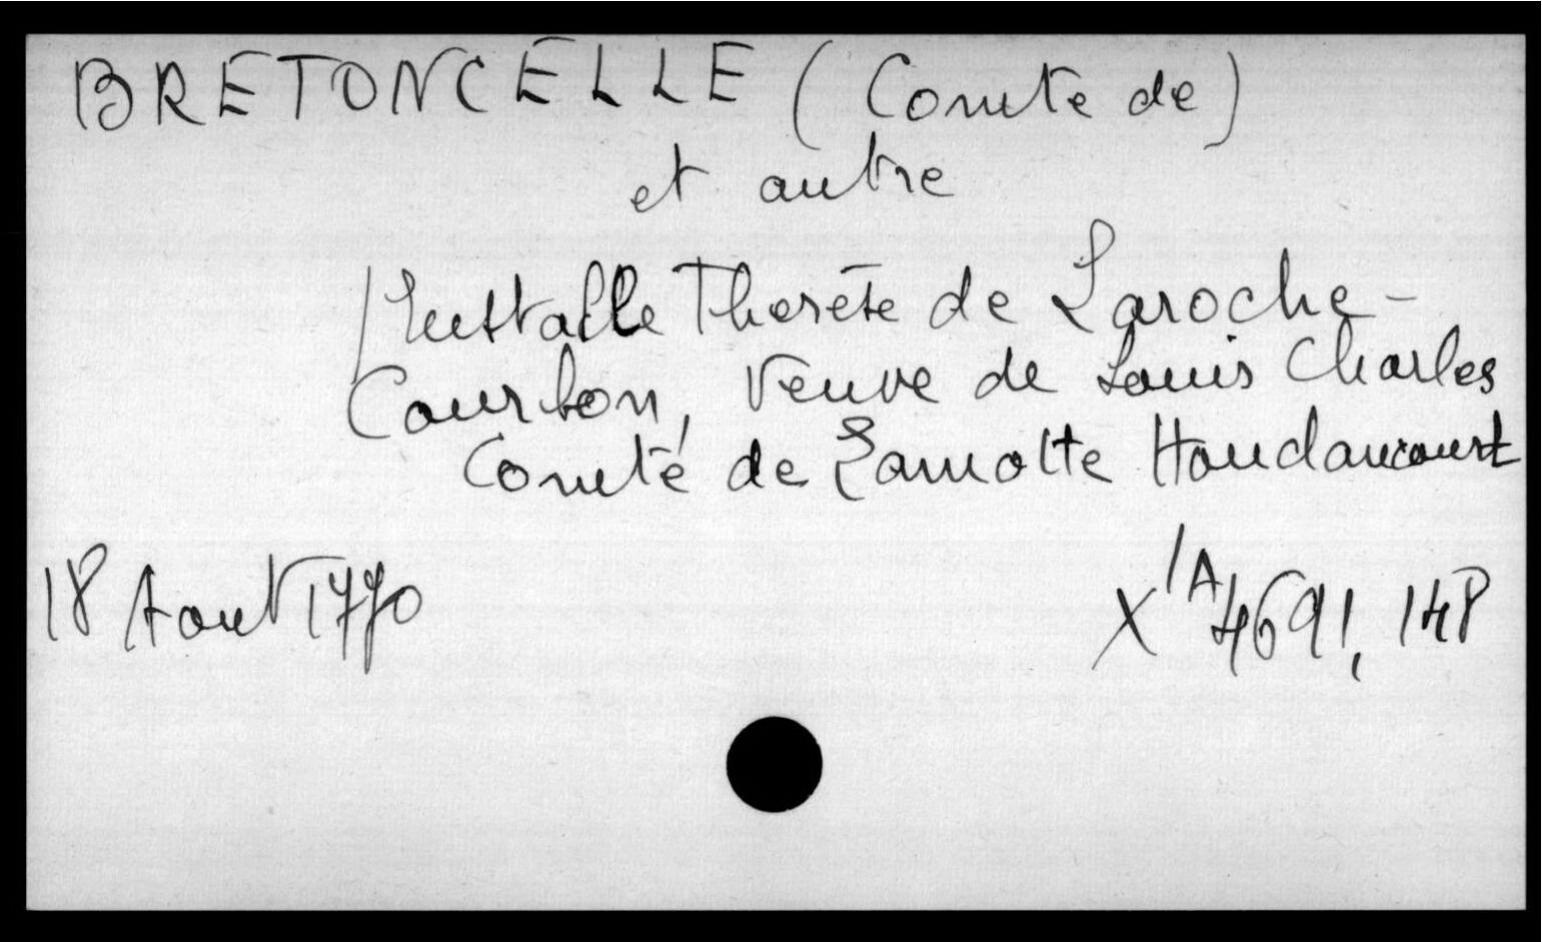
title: BRETONCELLE (Comte de) et autre
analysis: Contre Eustalle Therèse de Laroche-Courbon, veuve de Louis Charles comté de Lamotte Houdancourt
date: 18 août 1770
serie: X1A
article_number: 4691
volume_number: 148
